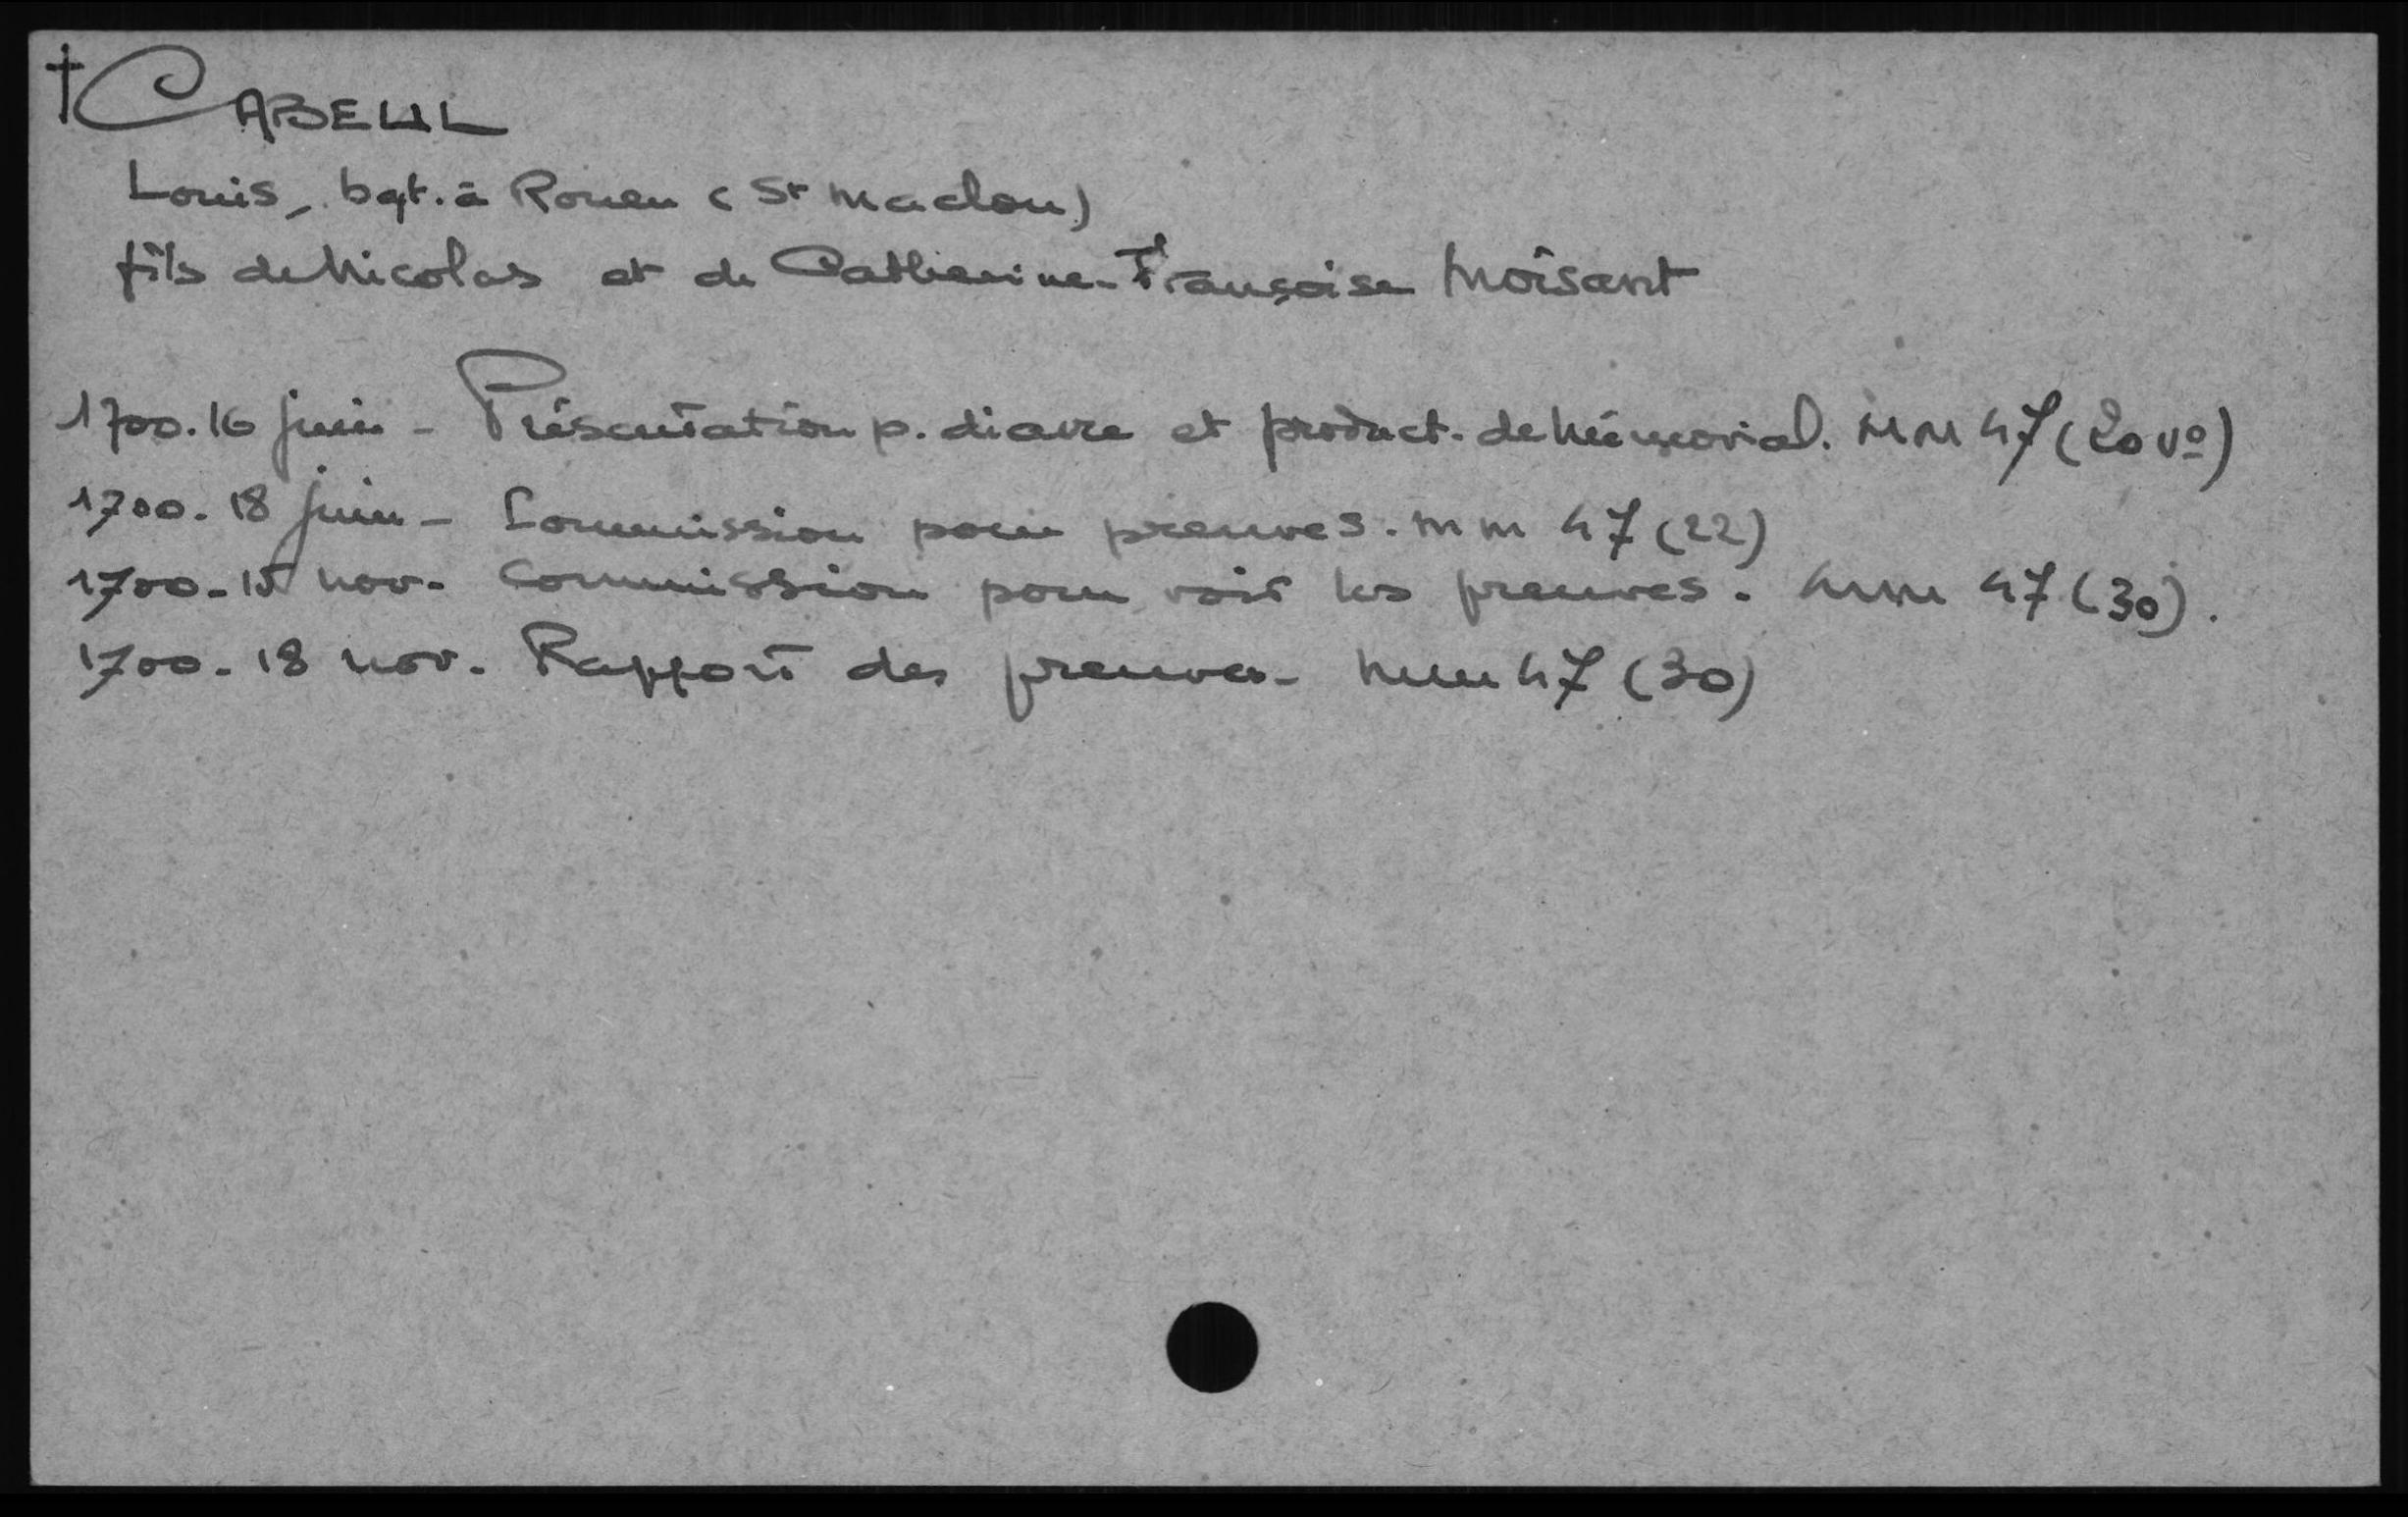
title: + CABEUL Louis, baptisé à Rouen (Saint Maclou) fils de Nicolas et Catherine-Françoise Moisant
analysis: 1700, 16 juin. Présentation pour diacre et production de mémorial. MM 47 (20v) 1700, 18 juin. Commission pour preuves. MM 47 (22) 1700, 15 novembre Commission pour voir les preuves. MM 47 (30) 1700, 18 novembre Rapport des preuves. MM 47 (30)
